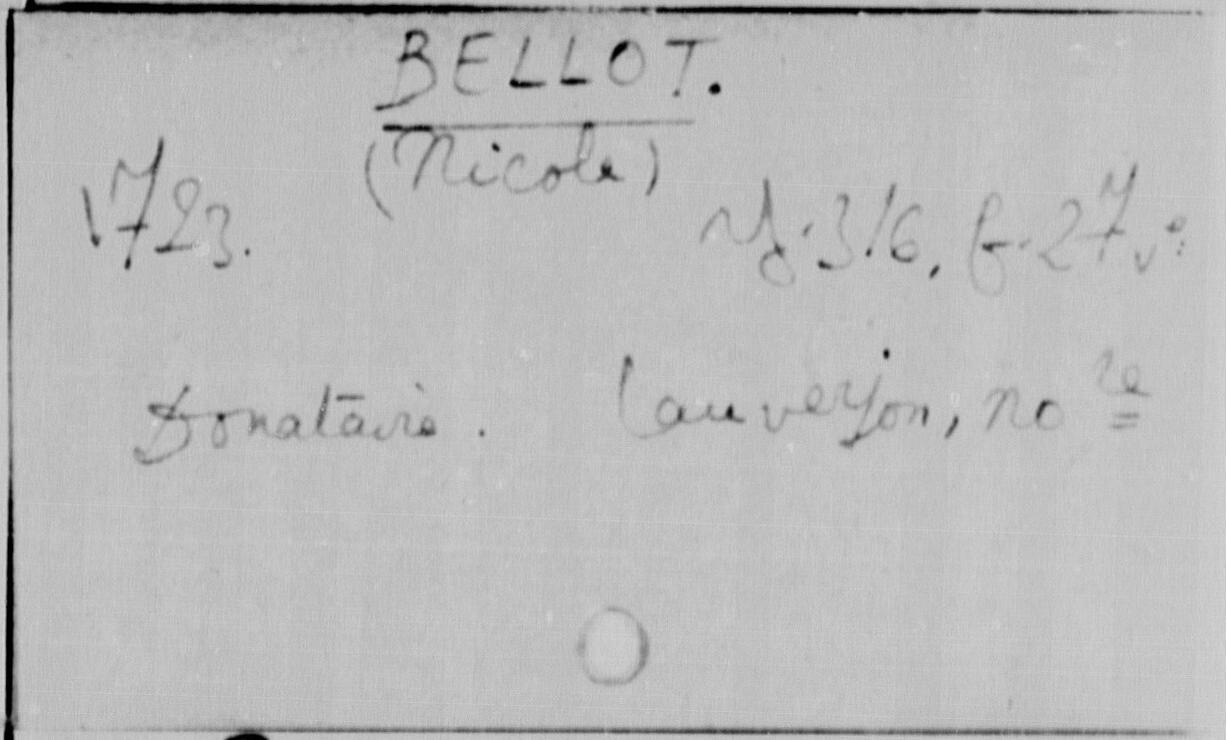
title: BELLOT (Nicole)
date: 1723
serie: Y
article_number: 316
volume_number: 27v
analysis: Donataire. Lauverjon, notaire
